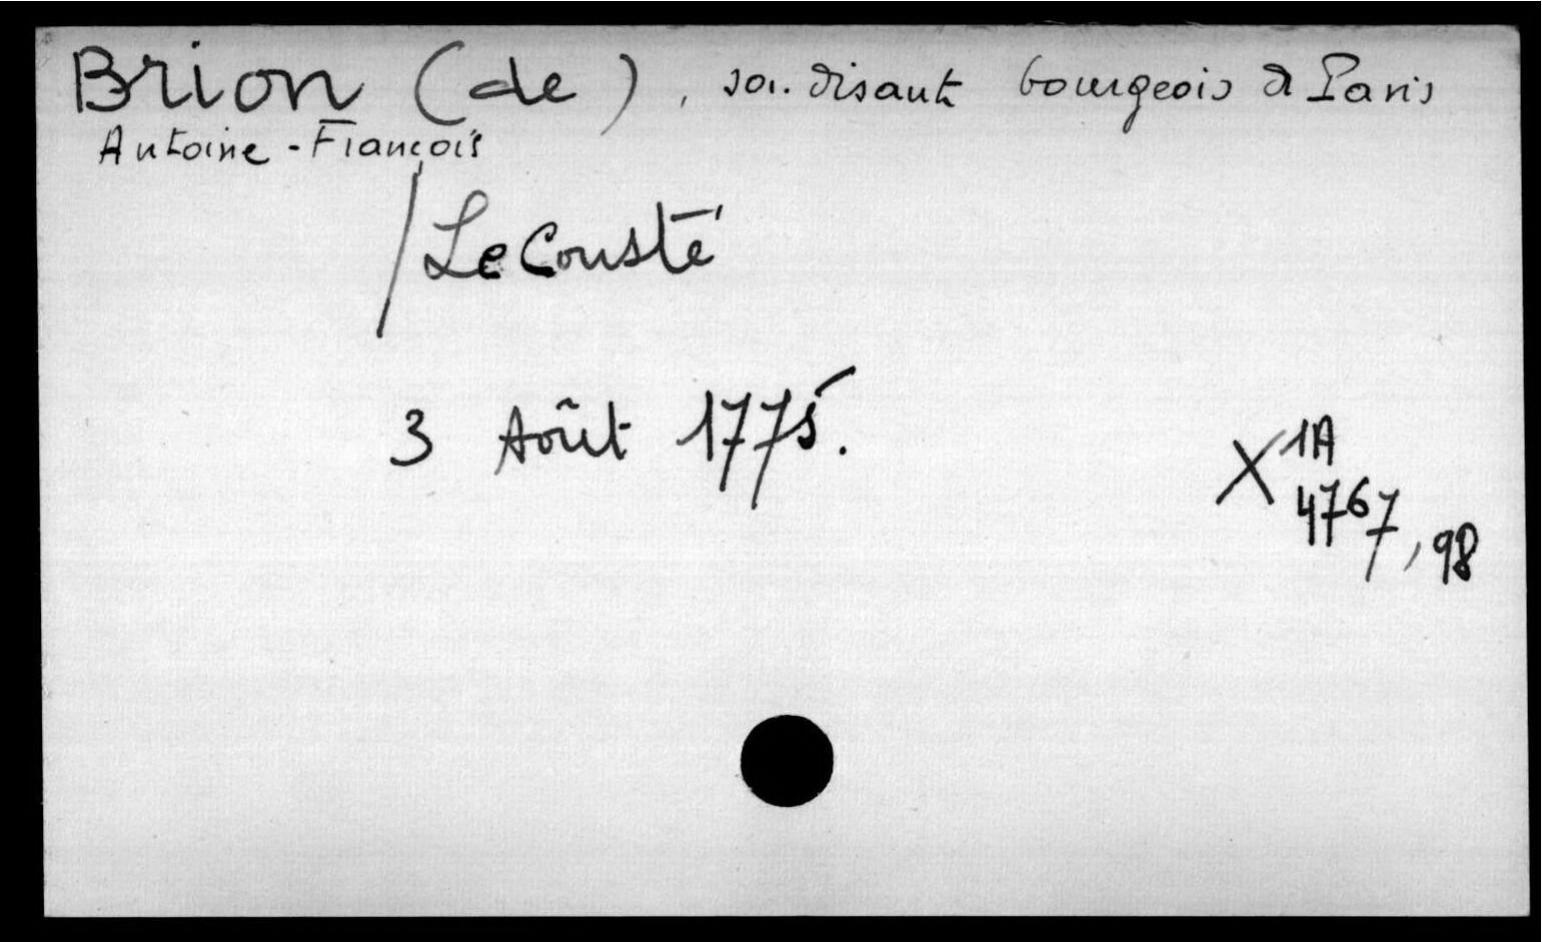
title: BRION (de) Antoine François, soi disant bourgeois de Paris
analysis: Contre Lecousté
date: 3 août 1775
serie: X1A
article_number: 4767
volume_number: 98
